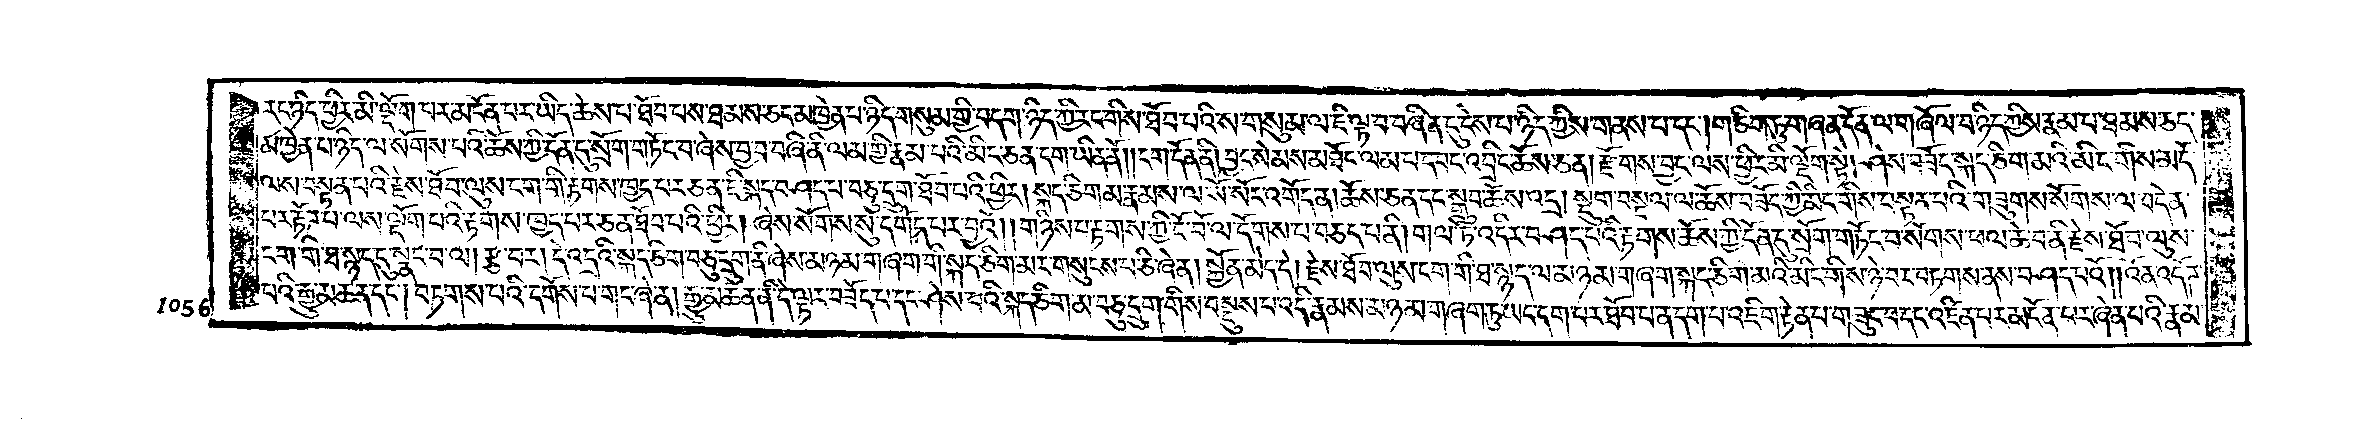རང་ཉིད་ཕྱིར་མི་ལྡོག་པར་མངོན་པར་ཡིད་ཆེས་པ་ཐོབ་པས་ཐམས་ཅད་མཁྱེན་པ་ཉིད་གསུམ་གྱི་བདག་ཉིད་ཀྱི་རང་གིས་ཐོབ་པའི་ས་གསུམ་ལ་ཇི་ལྟ་བ་བཞིན་དུ་ངེས་པ་ཉིད་ཀྱིས་གནས་པ་དང་། གཅིག་ཏུ་གཞན་དོན་ལ་གཞོལ་བ་ཉིད་ཀྱིས་རྣམ་པ་ཐམས་ཅད་
མཁྱེན་པ་ཉིད་ལ་སོགས་པའི་ཆོས་ཀྱི་དོན་དུ་སྲོག་གཏོང་བ་ཞེས་བྱ་བ་བཞི་ནི་ལམ་གྱི་རྣམ་པའི་མིང་ཅན་དག་ཡིན་ནོ། །ངག་དོན་ནི། བྱང་སེམས་མཐོང་ལམ་པ་དབང་འབྲིང་ཆོས་ཅན། རྫོགས་བྱང་ལས་ཕྱིར་མི་ལྡོག་སྟེ། ཤེས་བཟོད་སྐད་ཅིག་མའི་མིང་གིས་མདོ་
ལས་བསྟན་པའི་རྗེས་ཐོབ་ལུས་ངག་གི་རྟགས་ཁྱད་པར་ཅན་ཇི་སྐད་བཤད་པ་བཅུ་དྲུག་ཐོབ་པའི་ཕྱིར། སྐད་ཅིག་མ་རྣམས་ལ་སོ་སོར་འགོད་ན། ཆོས་ཅན་དང་སྒྲུབ་ཆོས་འདྲ། སྡུག་བསྔལ་ལ་ཆོས་བཟོད་ཀྱི་མིང་གིས་བསྟན་པའི་གཟུགས་སོགས་ལ་བདེན་
པར་རྟོགས་པ་ལས་ལྡོག་པའི་རྟགས་ཁྱད་པར་ཅན་ཐོབ་པའི་ཕྱིར། ཞེས་སོགས་སུ་དགོད་པར་བྱའོ། །གཉིས་པ་རྟགས་ཀྱི་ངོ་བོ་ལ་དོགས་པ་བཅད་པ་ནི། གལ་ཏེ་འདིར་བཤད་པའི་རྟགས་ཆོས་ཀྱི་དོན་དུ་སྲོག་གཏོང་བ་སོགས་ཕལ་ཆེ་བ་ནི་རྗེས་ཐོབ་ལུས་
ངག་གི་ཐ་སྙད་དུ་སྣང་བ་ལ། རྩ་བར། དེ་འདྲའི་སྐད་ཅིག་བཅུ་དྲུག་ནི་ཞེས་མཉམ་གཞག་གི་སྐད་ཅིག་མར་གསུངས་པ་ཅི་ཞེ་ན། སྐྱོན་མེད་དེ། རྗེས་ཐོབ་ལུས་ངག་གི་ཐ་སྙད་ལ་མཉམ་གཞག་སྐད་ཅིག་མའི་མིང་གིས་ཉེ་བར་བཏགས་ནས་བཤད་པའོ། །འོན་འདོགས་
པའི་རྒྱུ་མཚན་དང་། བཏགས་པའི་དགོས་པ་གང་ཞེ་ན། རྒྱུ་མཚན་ནི་དེ་ལྟར་བཟོད་པ་དང་ཤེས་པའི་སྐད་ཅིག་མ་བཅུ་དྲུག་གིས་བསྡུས་པ་འདི་རྣམས་མཉམ་གཞག་ཏུ་ཡང་དག་པར་ཐོབ་པ་ན་དག་པ་འཇིག་རྟེན་པ་གཟུང་བ་དང་འཛིན་པར་མངོན་པར་ཞེན་པའི་རྣམ་